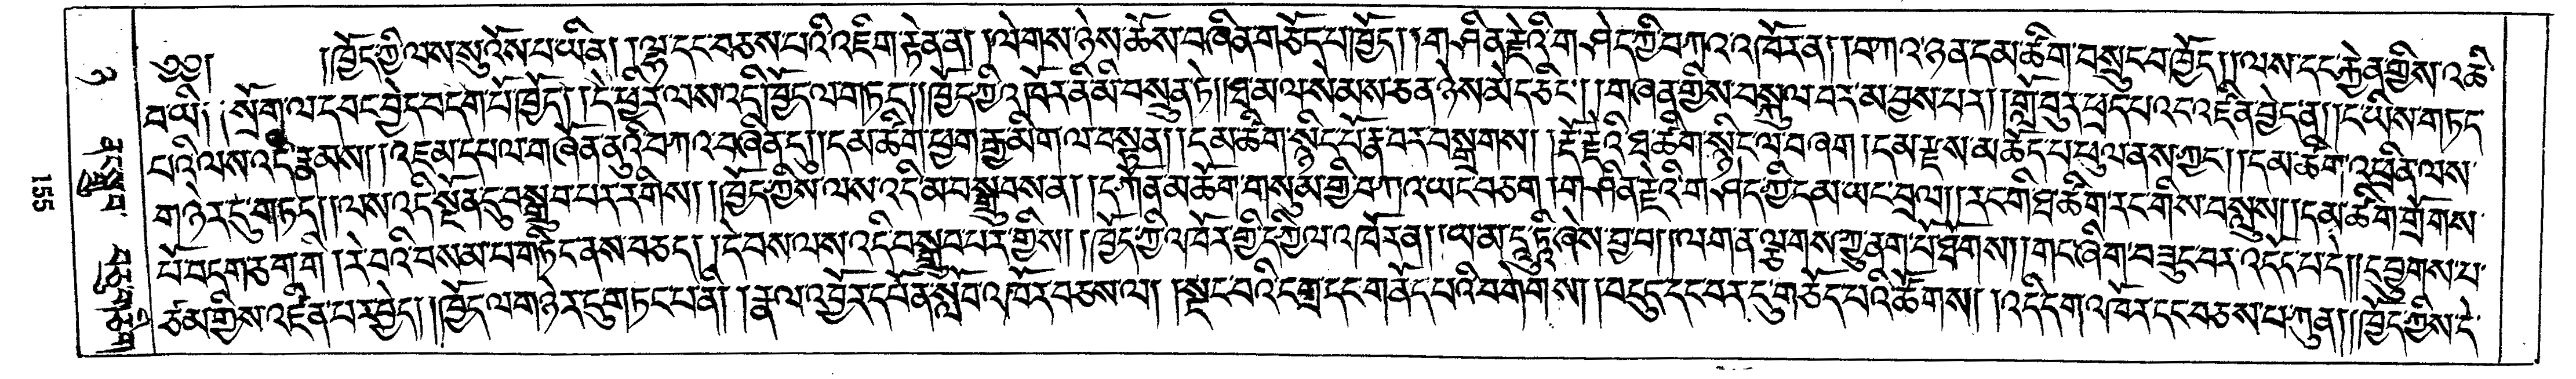༄༅། །ཁྱོད་ཀྱི་ལས་སུ་འོས་པ་ཡིན། །ལྷ་དང་བཅས་པའི་འཇིག་རྟེན་ན། །ལེགས་ཉེས་ཆོས་བཞིན་གཅོད་པ་ཁྱོད། །གཤིན་རྗེའི་གཤེད་ཀྱི་བཀའ་འཁོར་ན། །བཀའ་ཉན་དམ་ཚིག་བསྲུང་བ་ཁྱོད། །ལས་དང་རྐྱེན་གྱིས་འཆི་
བ་ཡི༑ ༑སྲོག་ལ་དབང་བྱེད་བདག་པོ་ཁྱོད། །དེ་ཕྱིར་ལས་འདི་ཁྱོད་ལ་གཏང་། །ཁྱོད་ཀྱི་འཁོར་ནི་མི་བསྲུན་ཏེ། །ཐ་མལ་སེམས་ཅན་ཉེས་མེད་ཅིང་། །གཞན་གྱིས་བསྐུལ་བར་མ་བྱས་པར། །གློ་བུར་ཕྲད་པའང་འཛིན་བྱེད་ན། །ང་ཡིས་གཏང་
པའི་ལས་འདི་རྣམས། །འཇམ་དཔལ་གཞོན་ནུའི་བཀའ་བཞིན་དུ། །དམ་ཚིག་ཕྱག་རྒྱ་མིག་ལ་བསྟན། །དམ་ཚིག་སྙིང་པོ་རྣ་བར་བསྒྲགས། །རྡོ་རྗེའི་ཐ་ཚིག་སྙིང་ལ་བཞག །དམ་རྫས་མཆོད་པ་ཕུལ་ནས་ཀྱང་། །དམ་ཚིག་འཕྲིན་ལས་
གཉེར་དུ་གཏང་། །ལས་འདི་སྔོན་དུ་བསྒྲུབ་པར་རིགས། །ཁྱོད་ཀྱིས་ལས་འདི་མ་བསྒྲུབས་ན། །དཀོན་མཆོག་གསུམ་གྱི་བཀའ་ཡང་བཅག། གཤིན་རྗེའི་གཤེད་ཀྱི་དམ་ཡང་བྲལ། །རང་གི་ཐ་ཚིག་རང་གིས་བསླུས། །དམ་ཚིགས་གྲོགས་
པོ་བདག་ཅག་གི །རེ་བའི་བསམ་པ་གཏིང་ནས་བཅད། །དེ་བས་ལས་འདི་བསྒྲུབ་པར་གྱིས། །ཁྱོད་ཀྱི་འཁོར་གྱི་དཀྱིལ་འཁོར་ན། །ཡ་མ་ངཱུ་ཏཱི་ཞེས་བྱ་བ། །ལག་ན་ལྕགས་ཀྱུ་ནག་པོ་ཐོགས། །གང་ཞིག་བཟུང་བར་འདོད་པ་དེ། །དབྱུགས་པ་
རྩམ་གྱིས་འཛིན་པར་བྱེད། །ཁྱོད་ལ་གཉེར་དུ་གཏང་པ་ནི། །རྣལ་འབྱོར་དཔོན་སློབ་འཁོར་བཅས་ལ། །སྔང་བའི་དགྲ་དང་གནོད་པའི་བགེགས། །བདུད་དང་བར་དུ་གཅོད་པའི་ཚོགས། །འདི་དག་འཁོར་དང་བཅས་པ་ཀུན། །ཁྱོད་ཀྱིས་དེ་